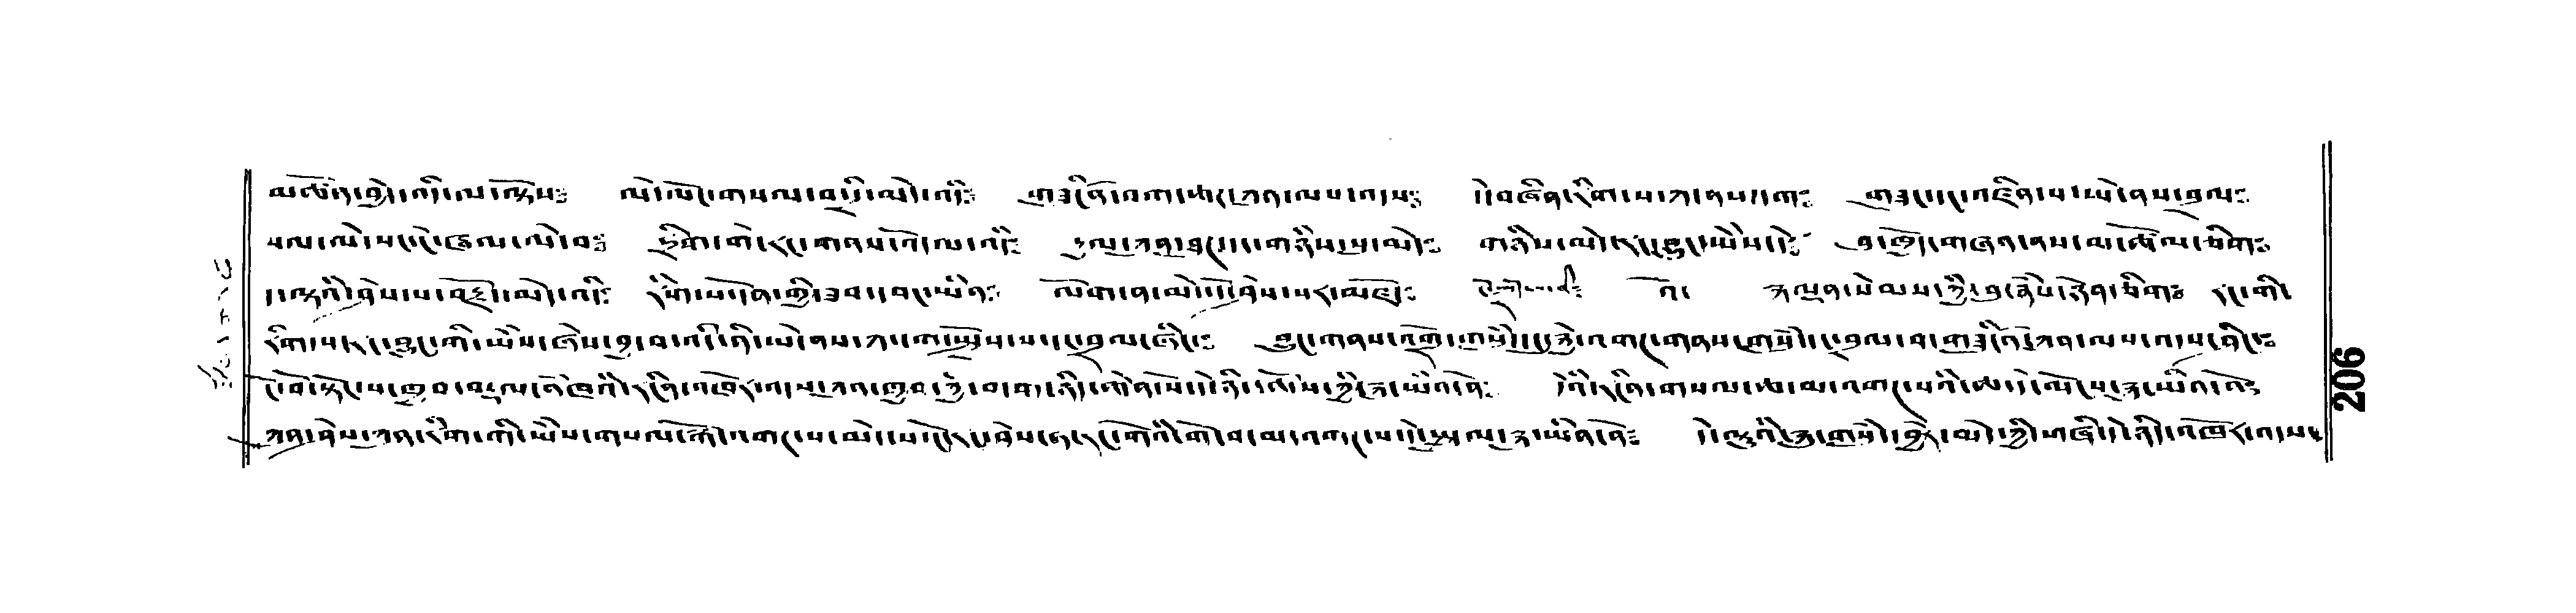མཚོན་བྱེད་འདི་ལ་ལྟོས༔ མེ་ལོང་གསལ་བ་དྲི་མེད་འདི༔ གཟུང་འཛིན་བག་ཆགས་ཀུན་ལས་འདས༔ དེ་བཞིན་རིག་པ་ཀ་ནས་དག༔ གཟུང་དང་འཛིན་པ་ཡེ་ནས་བྲལ༔ 
སལ་ལེ་སང་ངེ་ཝལ་ལེ་བ༔ ཧྲིག་གེ་རང་གནས་འོད་གསལ་འདི༔ རྒྱལ་ཀུན་ཐུགས་དང་གཉིས་སུ་མེད༔ གཉིས་མེད་རང་བྱུང་ཡེ་ཤེས་དེ༔ བུ་ཁྱོད་གཞན་ནས་མ་ཚོལ་ཅིག༔ 
ད་ལྟའི་ཤེས་པ་བརྗོད་མེད་འདི༔ རིག་པ་དོན་གྱི་ཟབ་དབང་ཡིན༔ ལོགས་ན་མེད་དོ་ཤེས་པར་མཛོད༔ ངོ་སྤྲོད་པ་ནི༔ འོ༔ སྐལ་ལྡན་སེམས་ཀྱི་བུ་རྣམས་ཉོན་ཅིག༔ རང་གི་
རིག་པ་རང་བྱུང་གི་ཡེ་ཤེས་ཞེས་བྱ་བ་འདི་ནི་ཡེ་ནས་ཀ་དག་སྤྲོས་པ་དང་བྲལ་ཞིང༔ བྱུང་གནས་འགྲོ་གསུམ་སྐྱེ་འགག་གནས་གསུམ་དང་བྲལ་བ་གཟུང་འཛིན་ཀུན་ལས་འདས་ཤིང༔ 
ངོ་བོ་སྟོང་པ་ཁྱབ་བརྡལ་ནམ་མཁའི་རང་བཞིན་འཁོར་འདས་ཀུན་ཁྱབ་ཀྱི་བདག་ཉིད་ཆེན་པོ་དེ་ཉིད་ཆོས་ཀྱི་སྐུ་ཡིན་ནོ༔ དེའི་རང་བཞིན་གསལ་ཆ་མ་འགགས་པའི་ཆ་དེ་ལོངས་སྐུ་ཡིན་ནོ༔ 
ཀུན་ཤེས་ཀུན་རིག་གི་ཡེ་ཤེས་གསལ་སྒོ་འགགས་པ་མེད་པ་ངོ་རང་ཤེས་ཧ་རང་གོའི་གོ་བ་མ་འགགས་པ་དེ་སྤྲུལ་སྐུ་ཡིན་ནོ༔ དེ་ལྟ་བུའི་སྐུ་གསུམ་དབྱེར་མེད་ཀྱི་གཞི་དེ་ཉིད་འཁོར་འདས་